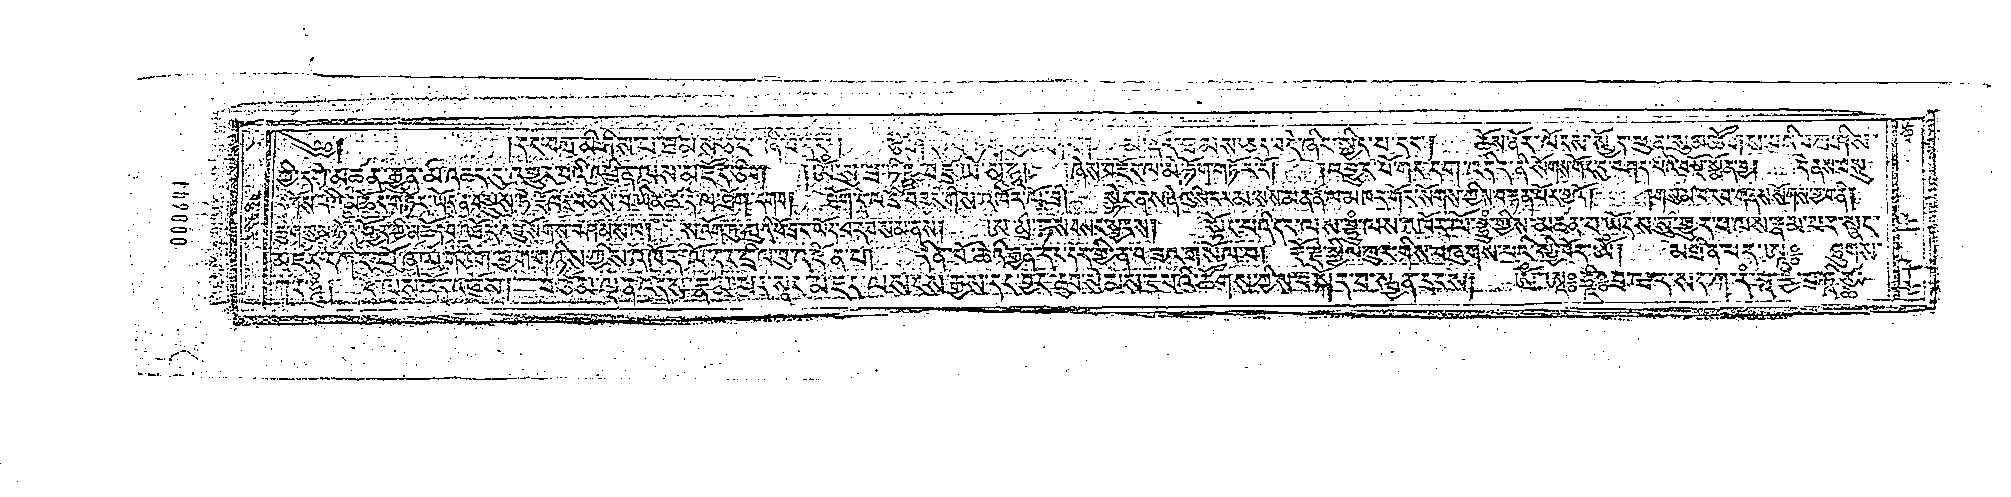ཧཱུཾ་སྭཱཧཱ། པཱ་དྱཾ་གྱི་ཚབ་ཏུ། ཨཉྩ་མ་ནཾ་དང་ཨརྒྷཾ་བཅུག་སྟེ་མཆོད། ཨོཾ་བཛྲ་ས་མ་ཡེ་སྟྭཾ་ཛཿ་ཧཱུཾ་བཾ་ཧོཿ་གཉིས་སུ་མེད་པར་གྱུར། སླར་ཡང་ཐུགས་ཀའི་ཧཱུཾ་ལས་འོད་འཕྲོས། དབང་ལྷ་སྤྱན་དྲངས། ཁྱད་
རྣམས་ཀྱིས་འདི་ལ་དབང་བསྐུར་དུ་གསོལ། ཞེས་གསོལ་བ་བཏབ་པས། ཤིས་བརྗོད་སྔོན་དུ་འགྲོ་བས་དབང་བསྐུར། སྐུ་གང་། དྲི་མ་དག །ཆུ་ལྷག་མ་ཡར་ལུང་པ་ལས་རྣམ་སྣང་གིས་དབུ་བརྒྱན་པར་
གྱུར། མཆོད་རྫས་རྣམས་ཕུལ་དུ་བྱུང་བའི་ལྷ་རྫས་སུ་གྱུར། ཨོཾ་ཨཱཿ་ཧཱུཾ་ལན་གསུམ་བརྗོད། ཨོཾ་ཨཱཿ་ཇི་ན་ཛི་ཀ་པུཥཔེ་པྲ་ཏཱི་ཙྪ་ཧཱུཾ་སྭཱ་ཧཱ། ནས་ཤཔྟའི་བར་གྱིས་མཆོད། རྣམ་པར་སྣང་མཛད་དག་པ་ཆེ། །
རྡོ་རྗེ་ཞི་བ་དགའ་བ་ཆེ། །རང་བཞིན་འོད་གསལ་མཆོག་གི་མཆོག །སྟོན་པ་རྡོ་རྗེ་ལ་ཕྱག་འཚལ། །ཞེས་བསྟོད། ཨོཾ་ཨཱཿ་ཛི་ན་ཛི་ཀ་ཨོཾ་ཧཱུཾ། བརྒྱ་རྩ་བརྒྱད་བཟླ། ཨོཾ་ཧཱུཾ་ཏྲཾ་ཧྲཱིཿ་ཨཱཿ་ཨོཾ་ཨཱཿ་ཛི་ན་
ཛི་ཀ་ཨོཾ་ཧཱུཾ། ལག་པ་གཡས་རྡོ་རྗེ་དང་བཅས་བས་གནས་གསུམ་དུ་རེག་པར་མོས་ལ། རྣམ་སྣང་འོད་དུ་ཞུ་ནས་རིན་པོ་ཆེའི་རི་བྲག་དང་ནགས་ཚལ་ནེའུ་སིད་མཚོ་དང་ཆུ་མིག་སོགས་ཤིན་ཏུ་ཉམས་དགའ་བའི་གནས་སུ་ཀླུའི་ཕོ་བྲང་རིན་
པོ་ཆེ་ལས་གྲུབ་པ། མཁོ་དགུའི་ལོངས་སྤྱོད་ཕུན་སུམ་ཚོགས་པས་གང་བ། འགྲོ་པ་རྣམས་ཀྱི་ནང་དང་སྡུག་བསྔལ་སྡིག་སྒྲིབ་ཐམས་ཅད་ཞི་བ་དང་། ལེགས་ཚོགས་རྒྱས་པར་བྱེད་པའི་བྱེད་ལས་དང་ལྡན་